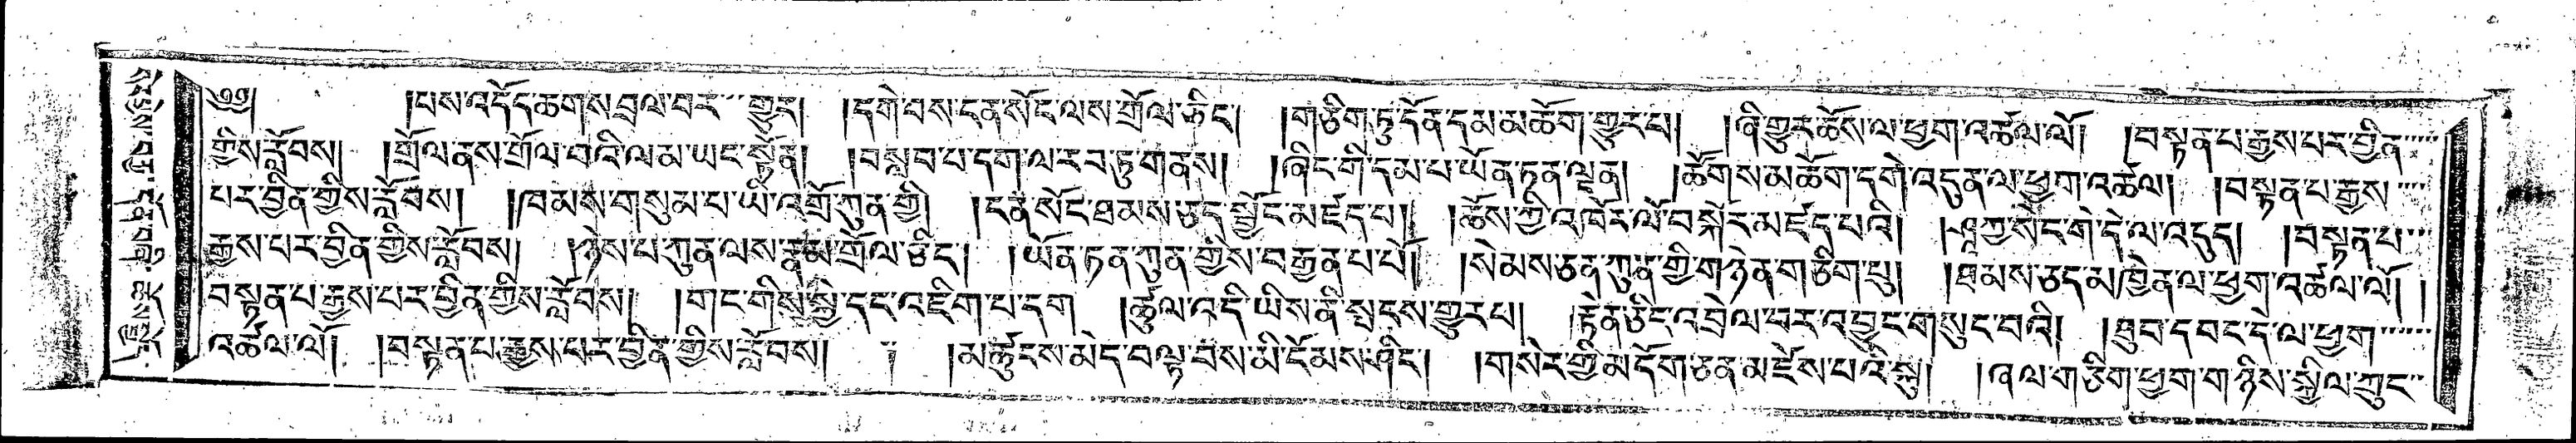༄༅། །པས་འདོད་ཆགས་བྲལ་བར་གྱུར། །དགེ་བས་ངན་སོང་ལས་གྲོལ་ཅིང་། །གཅིག་ཏུ་དོན་དམ་མཆོག་གྱུར་པ། །ཞི་གྱུར་ཆོས་ལ་ཕྱག་འཚལ་ལོ། །བསྟན་པ་རྒྱས་པར་བྱིན་
གྱིས་རློབས། །གྲོལ་ནས་གྲོལ་བའི་ལམ་ཡང་སྟོན། །སླབ་པ་དག་ལ་རབ་ཏུ་གནས། །ཞིང་གི་དམ་པ་ཡོན་ཏན་ལྡན། །ཚོགས་མཆོག་དགེ་འདུན་ལ་ཕྱག་འཚལ། །བསྟན་པ་རྒྱས་
པར་བྱིན་གྱིས་རློབས། །ཁམས་གསུམ་པ་ཡི་འགྲོ་ཀུན་གྱི། །ངན་སོང་ཐམས་ཅད་སྦྱོང་མཛད་པ། །ཆོས་ཀྱི་འཁོར་ལོ་བསྐོར་མཛད་པའི། །ཤཱཀྱ་སེང་གེ་དེ་ལ་འདུད། །བསྟན་པ་
རྒྱས་པར་བྱིན་གྱིས་རློབས། །ཉེས་པ་ཀུན་ལས་རྣམ་གྲོལ་ཅིང་། །ཡོན་ཏན་ཀུན་གྱིས་བརྒྱན་པ་པོ། །སེམས་ཅན་ཀུན་གྱི་གཉེན་གཅིག་པུ། །ཐམས་ཅད་མཁྱེན་ལ་ཕྱག་འཚལ་ལོ། །
བསྟན་པ་རྒྱས་པར་བྱིན་གྱིས་རློབས། །གང་གིས་སྐྱེ་དང་འཇིག་པ་དག །ཚུལ་འདི་ཡིས་ནི་སྤངས་གྱུར་པ། །རྟེན་ཅིང་འབྲེལ་བར་འབྱུང་གསུང་བའི། །ཐུབ་དབང་དེ་ལ་ཕྱག་
འཚལ་ལོ། །བསྟན་པ་རྒྱས་པར་བྱིན་གྱིས་རློབས། ༈ །མཚུངས་མེད་བལྟ་བས་མི་ངོམས་ཤིང་། །གསེར་གྱི་མདོག་ཅན་མཛེས་པའི་སྐུ། །ཞལ་གཅིག་ཕྱག་གཉིས་སྐྱིལ་ཀྲུང་